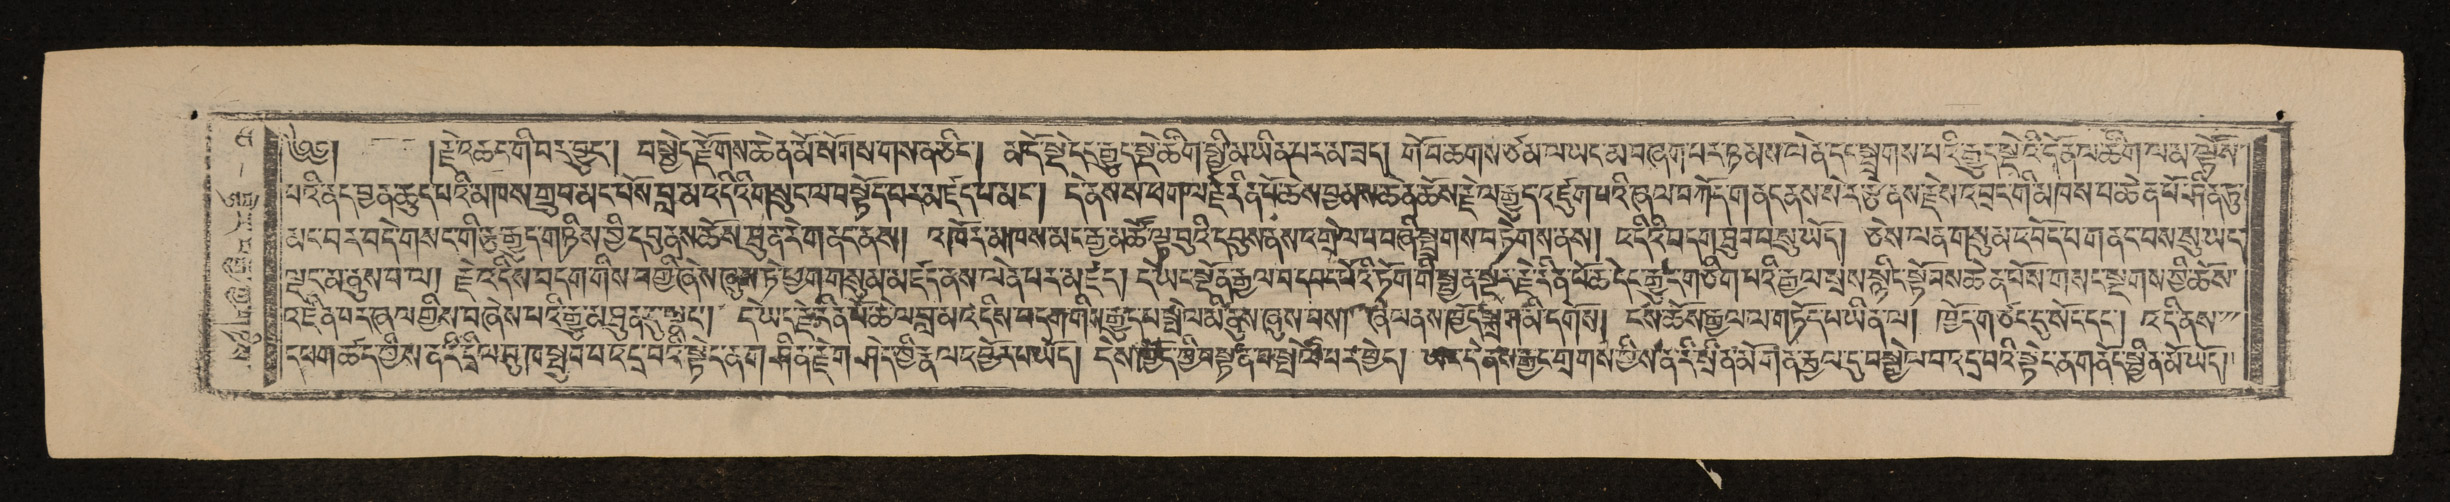༄༅། །རྗེ་འཆང་གི་བར་བྱུང་། བསྐྱེད་རྫོགས་ཆེན་མོ་སོགས་གསན་ཅིང་། མདོ་སྡེ་དང་རྒྱུད་སྡེ་ཚིག་སྤྱི་མ་ཡིན་པར་མ་ཟད། གོ་བ་ཆགས་ཙམ་ལ་ཡང་མ་བཞག་པར་ཉམས་ལེན་དང་སྦྲགས་པའི་རྒྱུད་སྡེའི་དོན་ལ་ཚིག་ལ་མ་ལྟོས་
པའི་ནང་བྱན་ཆུད་པའི་མཁས་གྲུབ་མང་པོས་བླ་མ་འདིའི་གསུང་ལ་བསྟོད་པར་མཛད་པ་མང་། དེ་ནས་ས་ཕག་ལ་རྗེ་རིན་པོ་ཆེས་བྱམས་ཆེན་ཆོས་རྗེ་ལ་རྒྱུད་འཛུག་པའི་ཞལ་བཀོད་གནང་ནས་སེར་རྩེ་ནས་རྗེས་འབྲང་གི་མཁས་པ་ཆེན་པོ་ཤིན་ཏུ་
མང་བར་བདེ་གསང་གི་རྩ་རྒྱུད་གཉིས་ཀྱི་དབུ་ནས་ཆོས་ཐུན་རེ་གནང་ནས། འཁོར་མཁས་མང་རྒྱ་མཚོ་ལྟ་བུའི་དབུས་ནས་འགྲེལ་བ་བཞི་སྦྲགས་བཏེགས་ནས། འདིའི་བདག་ཐུབ་པ་སུ་ཡོད། ཅེས་ལན་གསུམ་འབོད་པ་གནང་བས་སུ་ཡང་
ལྡང་མ་ནུས་པ་ལ། རྗེ་འདིས་བདག་གིས་བགྱི་ཞེས་ཞུས་ཏེ་ཕྱག་གསུམ་མཛད་ནས་ལེན་པར་མཛད། དེ་ཡང་སྔོན་རྒྱལ་བ་དབང་པོའི་ཏོག་གི་སྤྱན་སྔར་རྗེ་རིན་པོ་ཆེ་དང་རྒྱུད་གཅིག་པའི་རྒྱལ་སྲས་སྙིང་སྟོབས་ཆེན་པོས་གསང་སྔགས་ཀྱི་ཆོས་
འཛིན་པར་ཞལ་གྱིས་བཞེས་པའི་རྒྱུ་མཐུན་དུ་སྣང་། དེ་ཡང་རྗེ་རིན་པོ་ཆེ་ལ་བླ་མ་འདིས་བདག་གིས་རྒྱུད་པ་སྤེལ་མི་ནུས་ཞུས་པས། ཞལ་ནས་ཁྱོད་སྐྲག་མི་དགོས། ངས་ཆོས་རྒྱལ་ལ་གཏོད་པ་ཡིན་ལ། ཁྱོད་གཙང་དུ་སོང་དང་། འདི་ནས་
དཔག་ཚད་ཀྱི་ས་ན་རི་དྲིལ་བུ་ཁ་སྦུབ་པ་འདྲ་བའི་སྟེང་ན་གཤིན་རྗེ་གཤེད་ཀྱི་རྣལ་འབྱོར་པ་ཡོད། དེས་ཁྱོད་ཀྱི་བསྟན་པ་སྤེལ་པར་བྱེད། ཡང་དེ་ནས་རྒྱང་གྲགས་ཀྱིས་ན་རི་སྲིན་མོ་གན་རྒྱལ་དུ་བསྒྱེལ་བ་འདྲ་བའི་སྟེང་ན་གནོད་སྦྱིན་མོ་ཡོད།